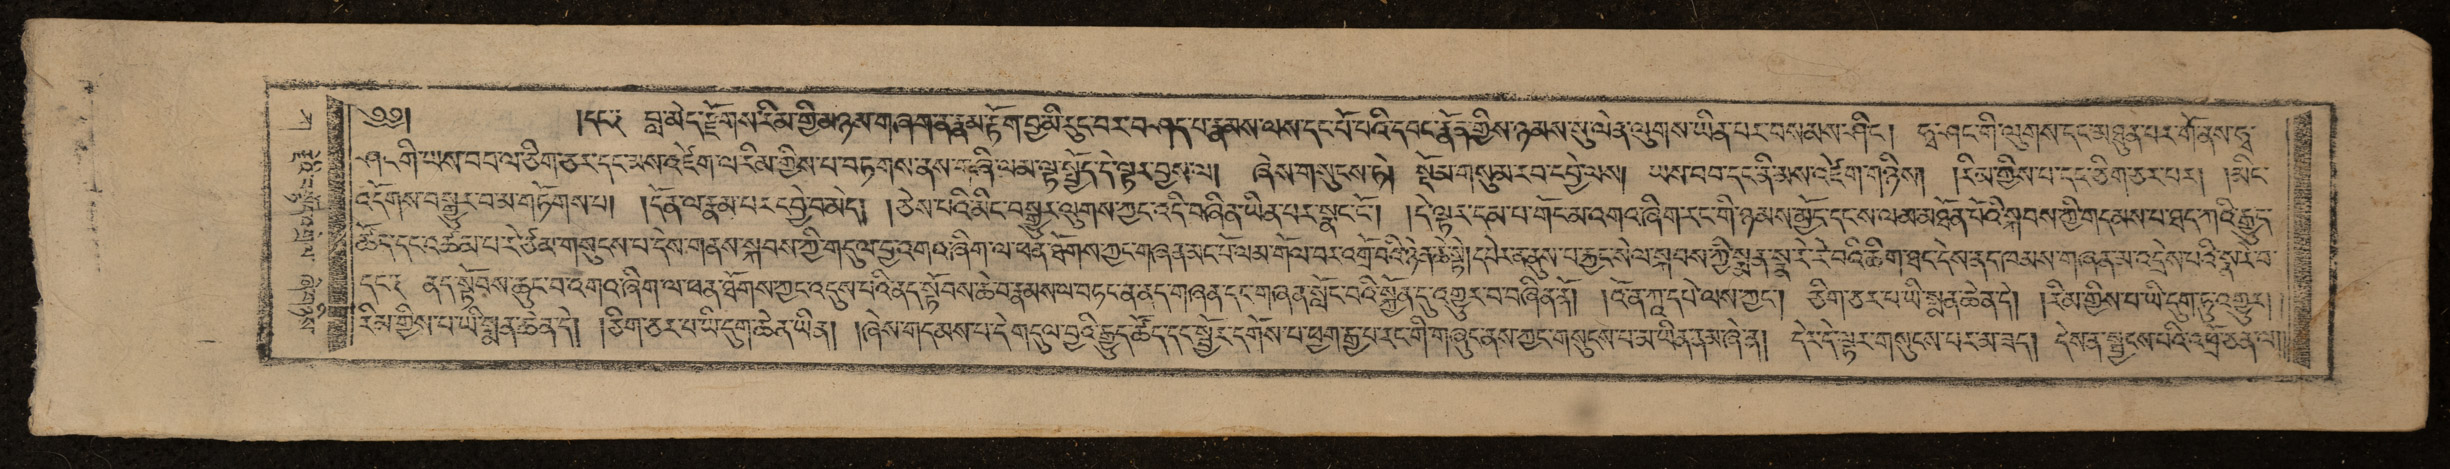༄༅། །དང་། བླ་མེད་རྫོགས་རིམ་གྱི་མཉམ་གཞག་ན་རྣམ་རྟོག་བྱ་མི་རུང་བར་བཤད་པ་རྣམས་ལས་དང་པོ་བའི་དབང་རྣོན་གྱིས་ཉམས་སུ་ལེན་ལུགས་ཡིན་པར་བསམས་ཤིང་། ཧྭ་ཤང་གི་ལུགས་དང་མཐུན་པར་གོ་ནས་ཧྭ་
ཤང་གི་ཡས་བབ་ལ་ཅིག་ཅར་དང་མས་འཛེགས་ནིམ་གྱིས་པ་བཏགས་ནས་གཞི་ལམ་ལྟ་སྤྱོད་དེ་ལྟར་བྱས་ལ། ཞེས་གསུངས་ཏེ། སྡོམ་གསུམ་རབ་དབྱེ་ལས། ཡས་བབ་དང་ནི་མས་འཇོག་གཉིས། །རིམ་གྱིས་བ་དང་ཅིག་ཅར་བར། །མིང་
འདོགས་བསྒྱུར་བ་མ་གཏོགས་པ། །དོན་ལ་རྣམ་པར་དབྱེ་བ་མེད། །ཅེས་པའི་མིང་བསྒྱུར་ལུགས་ཀྱང་འདི་བཞིན་ཡིན་པར་སྣང་ངོ། །དེ་ལྟར་དམ་པ་གོང་མ་འགའ་ཞིག་རང་གི་ཉམས་མྱོང་དང་ས་ཁ་མ་མཐོན་པོའི་སྐབས་ཀྱི་གདམས་པ་ཐད་ཀའི་རྒྱུད་
ཚོད་དང་འཚམ་པ་རེ་ཙམ་གསུངས་པ་དེས་གནས་སྐབས་ཀྱི་གདུལ་བྱ་འགའ་ཞིག་ལ་ཕན་ཐོགས་ཀྱང་གཞན་མང་པོ་ཡམ་གོལ་བར་འགྲོ་བའི་ཉིན་ཆེ་སྟེ། དཔེར་ན་ནུས་པ་རྐྱང་སེལ་སྐབས་ཀྱི་སྨན་སྣ་རེ་རེ་བའི་ཚིག་ཐང་དེས་ནང་ཁམས་གཞན་མ་འདྲོས་པའི་སྣ་རེ་བ་
དང༑ ནད་སྟོབས་ཆུང་བ་འགའ་ཞིག་ལ་ཕན་ཐོགས་ཀྱང་འདུས་པའི་ནད་སྟོབས་ཆེ་བ་རྣམས་ལ་བཏང་ན་ནད་གཞན་དང་གཞན་སློང་བའི་སྐྱོན་དུ་ལུང་བ་བཞིན་ནོ། །འོ་ན་ཀླད་པེ་ལས་ཀྱང་། ཅིག་ཅར་བ་ཡི་སྨན་ཆེན་དེ། །རིམ་གྱིས་པ་ཡི་དུག་ཏུ་འགྱུར། །
རིམ་གྱིས་པ་ཡི་སྨན་ཆེན་དེ། །ཅིག་ཅར་བ་ཡི་དུག་ཆེན་ཡིན། །ཞེས་གདམས་པ་དེ་གདུལ་བྱའི་རྒྱུད་ཚོད་དང་སྦྱོར་དགོས་པ་ཕྱག་རྒྱ་བ་རང་གི་གཞུ་ནས་ཀྱང་གསུངས་བམ་ཡིན་ན་མ་ཞེ་ན། དེར་དེ་ལྟར་གསུངས་བར་མ་ཟད། དེས་ན་སྦྱངས་བའི་འཕྲོ་ཅན་ལ་